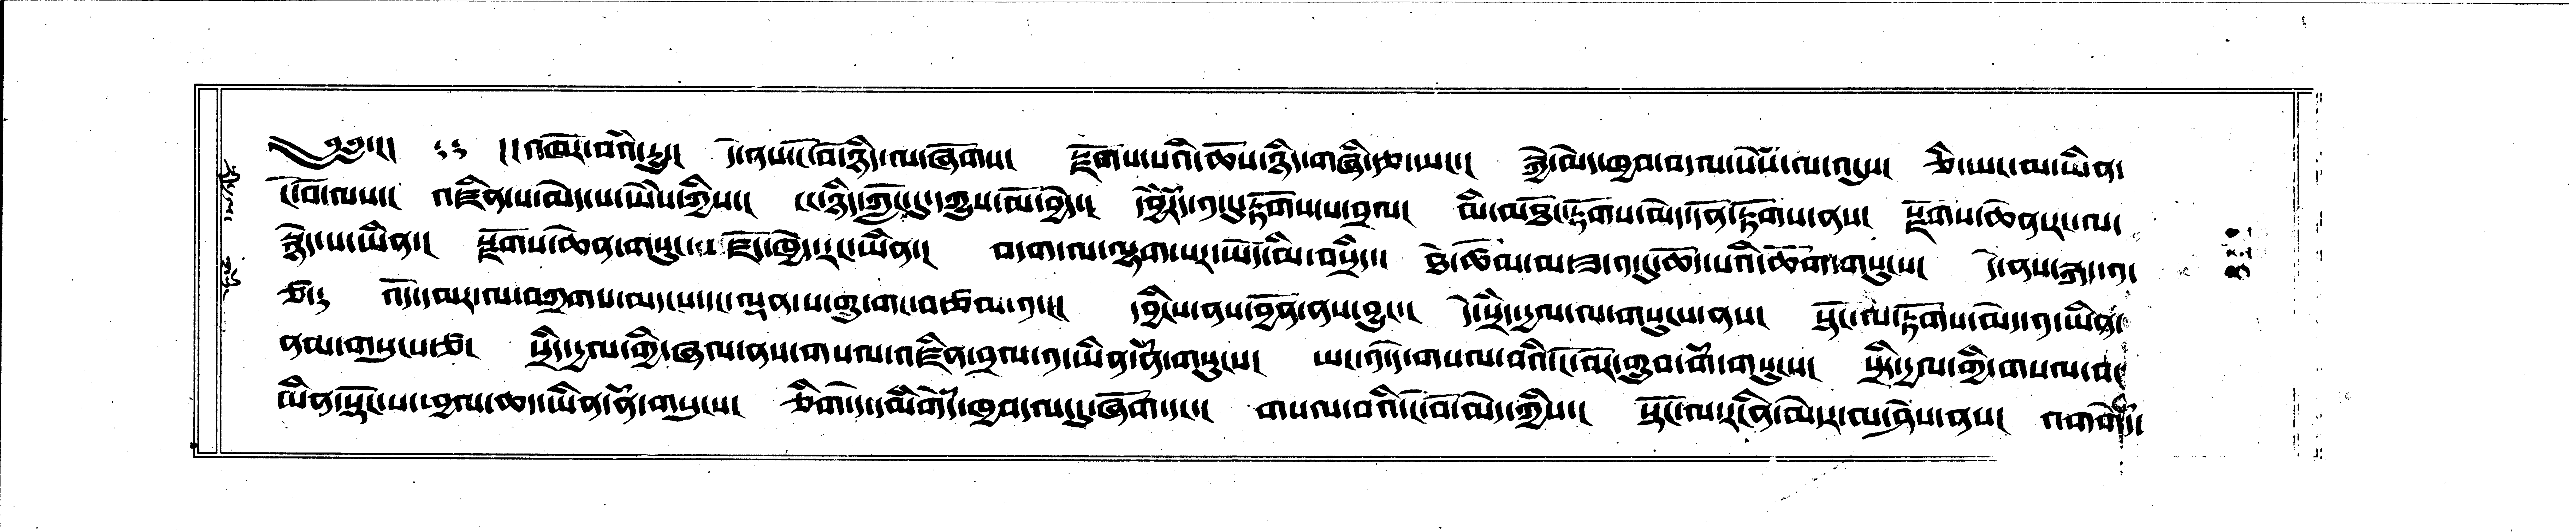འཁོར་བའི་རྒྱུ། །དེ་ནས་ངོའོ་ཉིད་ལ་ཞོག །རྫོགས་པའི་ཆོས་ཉིད་གཞི་རྩ་ཡང་། །སྐྱེ་མེད་ཁྱབ་བདལ་སེམས་ལ་འདུས། །ཅི་ཡང་མ་ཡིན་
ངོའོ་ལས། །འཛིན་པ་མེད་པ་ཡེ་ཤེས་ཀྱིས། །ངང་ཉིད་ཀློང་དུ་དཀྱུས་མོ་བྱེད། །དབྱེར་མེད་གཅིག་ཏུ་རྟོག་པ་བྲལ། །མི་མཐོང་རྟོག་མེད་དོན་རྟོགས་ནས། །རྫོགས་ཆེན་རང་ལ་
རྙེད་པ་ཡིན། །རྫོགས་ཆེན་གསུང་མཛོད་ཁྱེད་རང་ཡིན། །བདག་ལ་ལྷག་པར་ཡོད་མི་སྲིད། །ཐེ་ཚོམ་མ་ཟ་གཅིག་ཏུ་ཆོད་པས་ཆོག་གསུངས། དེ་ནས་སྐད་ཅིག་
ཙ། འོད་དམར་ལ་བཀྲག་མདངས་དང་ལྡན་པ་གྲུ་གང་བ་ཙམ་ཅིག དབྱིངས་ནས་བྱོན་ནས་བྱུང་། །དེ་སྲིད་རྒྱལ་ལ་གསུངས་ནས། སྟོང་ལ་རྟོག་མེད་གཅིག་ཡིན་
ནམ་གསུངས་ཙ། སྲིད་རྒྱལ་གྱི་ཞལ་ནས། གསལ་འཛིན་བྲལ་ཞིག་ཡིན་ནམ་གསུངས། ཡང་ཅིག་དེ་གསལ་བའི་ངོ་བོར་གྲུབ་གང་གསུངས། སྲིད་རྒྱལ་གྱིས་གསལ་བ་
མིན་སྟོང་པ་ཕྱལ་ཆད་ཡིན་ནམ་གསུངས། གཅིག་དེ་དམིགས་མེད་ཁྱབ་བདལ་དུ་ཞོག་དང་། གསལ་བའི་ངོའོ་མེད་ཀྱིས། སྟོང་ལ་རང་བཞིན་མེད་པར་མ་ཤེས་ན། འགག་མེད་